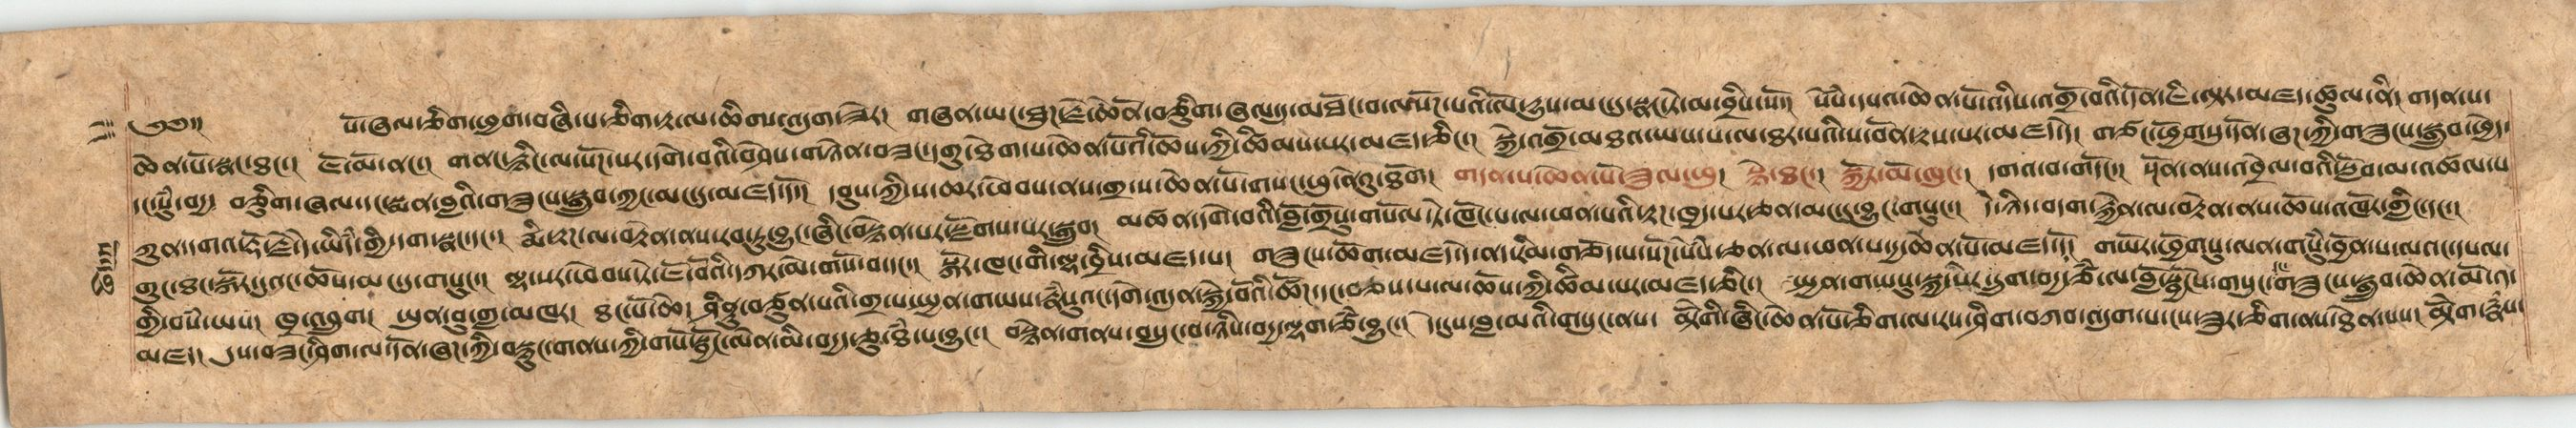༄༅་། པོ་ཞལ་ཅིག་ཕྱག་བཞི་པ་ཅིག་རྟ་ལ་ཆིགས་འདུག་ཟེར། གཞན་ཡང་ཐུཌ་རྗེ་ཆེནོ་བཅིུག་ཞལ་དུ་མཐོང་བ་ལསོཌ་པའི་ལོ་དྱུས་མང་དུ་སྣང་ཏེ་མ་བྲིས་སོ་། སེཾས་དཔའ་ཆེན་པོ་འདིས་འགྲོ་བའི་དོན་ཇི་ལྟར་མཛད་ཚུལ་ནི། གདན་ས་
ཆེན་པོ་སྣར་ཐང་། ཇོ་མོ་ནང་། གནང་རྙིང་ལ་སོཌ་པར་དགེ་བའི་བཤེས་གཉེན་བཟང་དགུ་ཐེག་པ་ཆེན་པོའི་ཆོས་ཀྱི་ཚིམས་པར་མཛད་ཅིང་། སྐྱེ་འགྲོ་མཐའ་ཡས་པ་ལ་ཐར་པའི་ས་བོན་རྟས་པར་མཛད་དེ། གཙང་ཕྱོགསུ་དོན་ཞཌ་ཀྱི་གཟུངས་སྒྲུབ་ཕྱེད་
དང་སུཾ་བདྱ་ བཅིུག་ཞལ་དང་སྨན་བླའི་གཟུངས་སྒྲུབ་ཀྱང་མང་དུ་མཛད་དོ་། དབུས་ཀྱི་ས་ཆར་ཕེབས་ནས་གྲ་ས་ཆེན་པོ་གསང་ཕུ་ནེའུ་ཐོག། གདན་ས་ཆེན་པོ་ཟུལ་ཕུ། སྙེ་ཐང་། སྐྱོར་མོ་ལུང་། དགའ་བ་གདོང་། སྔོན་ནས་འབྲེལ་བའི་སློབ་མ་འཚལ་པ
ཀུན་དགའ་རྡོ་རྗེ་དེ་ཡིདཾ་གྱི་དག་སྣང་དང་། རྨི་རྟཌ་ལ་བརྟེན་ནས་རབ་ཏུ་བྱུང་ཞིང་བསྙེན་པར་སྫོགས་པར་སྒྲུབ། མཚན་དགེ་བའི་བློ་གྲོསུ་གསོལ་ཏེ་ཁོང་པ་ལ་ཕན་པའི་རྟཌ་ཁྱད་པར་ཅན་མང་དུ་བྱུང་གསུང་། དེ་ཉིད་བདག་རྐྱེན་ལ་བརྟེན་ནས་ཆསོ་འཁོར་གླིང་དང་།
གུང་་ཐང་སྐོར་དུའང་ཆོས་མང་དུ་གསུང་། ལྷ་སར་ཕེབས་ཏེ་ཇོ་བོའི་དཀར་མེ་གསོ་བ་དང་། སྐོར་ཁང་གི་ལྷ་བྲིས་མཛད་པ། གཟུངས་ཆོག་མཛད་དེ་ནད་རིམ་གཅོད་པ་སོཌ་སེཾས་ཅན་ལ་ཕན་པ་དྱ་ཆེན་པོ་མཛད་དོ་། གཡོར་ཕྱོགསུ་ལན་གསུཾ་བྱོན་པ་ལའང་དཔལ་
གྱི་བསཾ་ཡས། ཁྲ་འབྲུག། ཡུན་བུ་གླ་མཁར། ཐང་པོ་ཆེ། ཤིནུ་བཙུན་པའི་གྲ་པ་སྤྱན་གཡས་རྣཾསུའང་དགེ་འདུན་སྐྱེ་བོའི་ཚོཌ་དང་བཅས་པ་ལ་ཆོས་ཀྱི་ཚིམ་པར་མཛད་ཅིང་། སྤྱན་གཡསུ་སྐྱ་སེར་དྲུག་བདྱ་ཙཾ་ལ་བློ་སྦྱོངས་གསུང་དང་གཟུངས་སྒྲུབ་ཆེན་མོ་འ་
མཛད། དུས་བཟང་ཤིག་ལ་དོན་ཞཌ་ཀྱི་བསྙུང་གནས་ཀྱི་གསོ་སྦྱོང་ལེན་མི་བདྱད་ཅུ་ཐཾ་པ་བྱུང་། བསྙེན་གནས་བསྲུང་བ་ཉིས་བདྱ་ལྷག་ཙཾ་བྱུང་། དེ་དུས་བླ་མའི་གསུང་ནས། མྟེོགི་ཞིང་ཆེན་པོ་ཅིག་ལ་རས་ཤིག་བཀབ་འདུག་པ་ངས་ཟུར་ཅིག་ནས་ཐེན་པས་མྟེོག་རྣཾས་